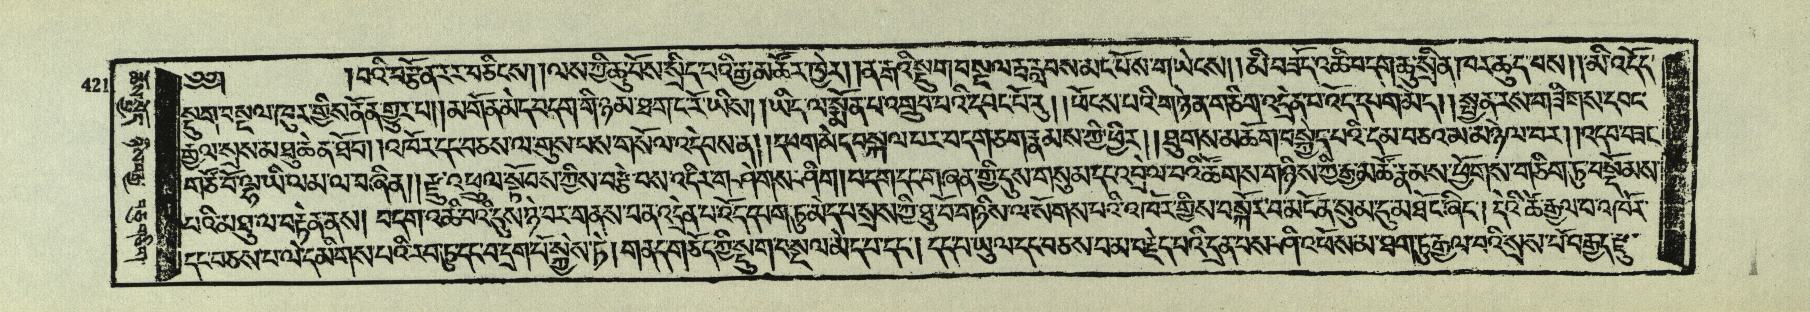༄༅། །བའི་བརྩོན་རར་བཅིངས། །ལས་ཀྱི་ཆུ་བོས་སྲིད་པའི་རྒྱ་མཚོར་ཁྱེར། །ན་རྒའི་སྡུག་བསྔལ་རྦ་རླབས་མང་པོས་གཡེངས། །མི་བཟོད་འཆི་བདག་ཆུ་སྲིན་ཁར་ཆུད་པས། །མི་འདོད་
སྡུག་བསྔལ་ཁུར་གྱིས་ནོན་གྱུར་པ། །མགོན་མེད་བདག་གི་ཉམ་ཐག་ང་རོ་ཡིས། །ཡིད་ལ་སྨོན་པ་འགྲུབ་པའི་དབང་པོ་རུ། །ཕོངས་པའི་གཉེན་གཅིག་འདྲེན་པ་འོད་དཔག་མེད། །སྤྱན་རས་གཟིགས་དབང་
རྒྱལ་སྲས་མཐུ་ཆེན་ཐོབ། །འཁོར་དང་བཅས་ལ་གུས་པས་གསོལ་འདེབས་ན། །དཔག་མེད་བསྐལ་པར་བདག་ཅག་རྣམས་ཀྱི་ཕྱིར། །ཐུགས་མཆོག་བསྐྱེད་པའི་དམ་བཅའ་མ་མཉེལ་བར། །འདབ་བཟང་
གྲྩོ་བོ་ལྷ་ཡི་ལམ་ལ་བཞིན། །རྫུ་འཕྲུལ་སྟོབས་ཀྱིས་བརྩེ་བས་འདིར་གཤེགས་ཤིག །བདག་དང་གཞན་གྱི་དུས་གསུམ་དང་འབྲེལ་བའི་ཚོགས་གཉིས་ཀྱི་རྒྱ་མཚོ་རྣམས་ཕྱོགས་གཅིག་ཏུ་བསྡོམས་
པའི་མཐུ་ལ་བརྟེན་ནས། བདག་འཆི་བའི་དུས་ཉེ་བར་གནས་པ་ན་འདྲེན་པ་འོད་དཔག་ཏུ་མེད་པ་སྲས་ཀྱི་ཐུ་བོ་གཉིས་ལ་སོགས་པའི་འཁོར་གྱིས་བསྐོར་བ་མངོན་སུམ་དུ་མཐོང་ཞིང་། དེའི་ཚེ་རྒྱལ་བ་འཁོར་
དང་བཅས་པ་ལེ་དམིགས་པའི་རབ་ཏུ་དང་བ་དྲག་པོ་སྐྱེས་ཏེ། གནད་གཅོད་ཀྱི་སྡུག་བསྔལ་མེད་པ་དང་།དད་པ་ཡུལ་དང་བཅས་པ་མ་བརྗེད་པའི་དྲན་པས་ཤི་འཕོས་མ་ཐག་ཏུ་རྒྱལ་བའི་སྲས་པོ་བརྒྱད་རྫུ་